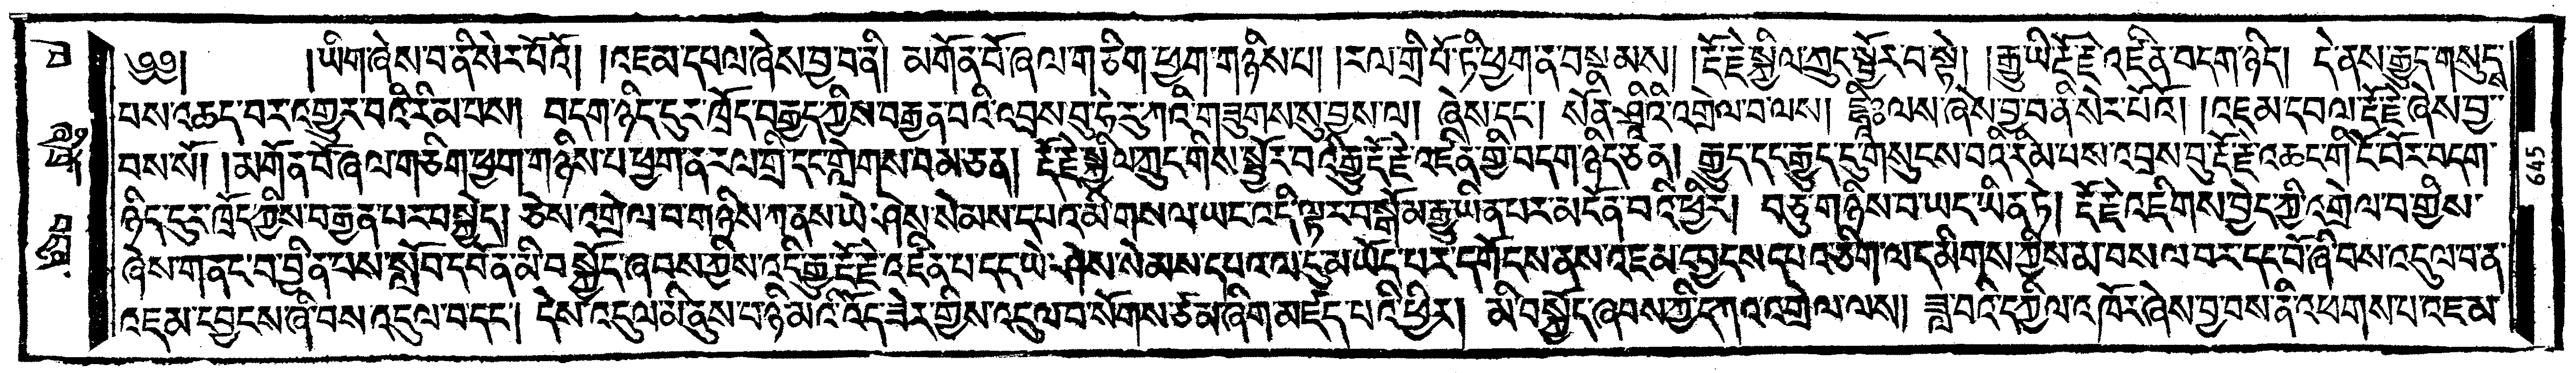༄༅། །ཡིག་ཞེས་པ་ནི་སེར་པོའོ། །འཇམ་དཔལ་ཞེས་བྱ་བ་ནི། མགོན་པོ་ཞལ་གཅིག་ཕྱག་གཉིས་པ། །རལ་གྲི་པོ་ཏི་ཕྱག་ན་བསྣམས། །རྡོ་རྗེ་སྐྱིལ་ཀྲུང་སྦྱོར་བ་སྟེ། །རྒྱུ་ཡི་རྡོ་རྗེ་འཛིན་བདག་ཉིད། དེ་ནས་རྒྱུད་གསུངས་
བས་འཆད་པར་འགྱུར་བའི་རིམ་པས། བདག་ཉིད་དུར་ཁྲོད་བརྒྱད་ཀྱིས་བརྒྱན་བའི་འབྲས་བུ་ཧེ་རུ་ཀའི་གཟུགས་སུ་བྱས་ལ། ཞེས་དང་། སོན་ཤྲཱིའི་འགྲེལ་བ་ལས། དྷཱིཿལས་ཞེས་བྱ་བ་ནི་སེར་པོའོ། །འཇམ་དཔལ་རྡོ་རྗེ་ཞེས་བྱ་
བས་སོ། །མགོན་པོ་ཞལ་གཅིག་ཕྱག་གཉིས་པ་ཕྱག་ན་རལ་གྲི་དང་གླེགས་བམ་ཅན། རྡོ་རྗེ་སྐྱིལ་ཀྲུང་གིས་སྦྱོར་བའི་རྒྱུ་རྡོ་རྗེ་འཛིན་གྱི་བདག་ཉིད་ཅན། རྒྱུད་དང་རྒྱུད་དུ་གསུངས་པའི་རིམ་པས་འབྲས་བུ་རྡོ་རྗེ་འཆང་གི་ངོ་བོར་བདག་
ཉིད་དུར་ཁྲོད་ཀྱིས་བརྒྱན་པར་བསྐྱེད། ཅེས་འགྲེལ་བ་གཉིས་ཀ་ནས་ཡེ་ཤེས་སེམས་དཔའ་མི་གསལ་ཡང་འདི་ལྟར་བསྒོམ་རྒྱུ་ཡིན་པར་མངོན་པའི་ཕྱིར། བཅུ་གཉིས་པ་ཡང་ཡིན་ཏེ། རྡོ་རྗེ་འཇིགས་བྱེད་ཀྱི་འགྲེལ་བ་གྱིས་
ཞེས་གནང་བ་བྱིན་པས་སློབ་དཔོན་མི་བསྐྱོད་ཞབས་ཀྱིས་འདི་རྒྱུ་རྡོ་རྗེ་འཛིན་པ་དང་ཡེ་ཤེས་སེམས་དཔའ་ལ་དུ་མ་ཡོད་པར་དགོངས་ནས་འཇམ་དབྱངས་དཔའ་ཅིག་ལ་དམིགས་ཀྱིས་མ་བསལ་བར་དང་པོ་ཞི་བས་འདུལ་བ་ན་
འཇམ་དབྱངས་ཞི་བས་འདུལ་བ་དང་། དེས་འདུལ་མི་ནུས་པ་ཉི་མའི་འོད་ཟེར་གྱིས་འདུལ་བ་སོགས་ཙམ་ཞིག་མཛད་པའི་ཕྱིར། མི་བསྐྱོད་ཞབས་ཀྱི་དཀའ་འགྲེལ་ལས། ཟླ་བའི་དཀྱིལ་འཁོར་ཞེས་བྱ་བས་ནི་འཕགས་པ་འཇམ་